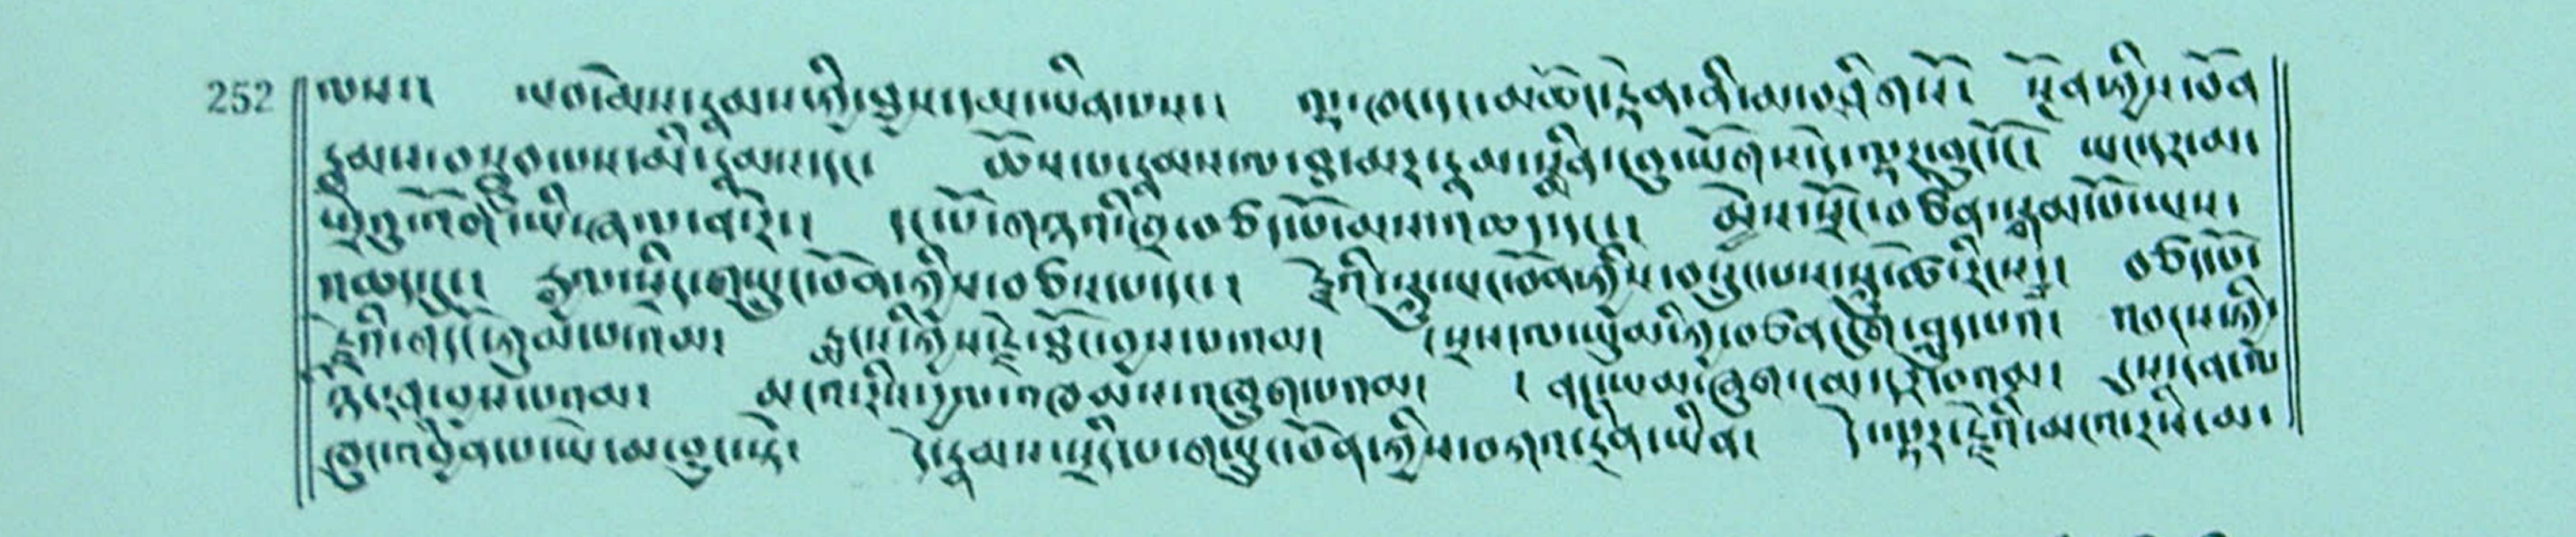ལས། ཡབ་མྱེས་རྣམས་ཀྱི་ཐུགས་དམ་ཡིན་པས། ལྷ་ཁང་དང་མཆོད་རྟེན་ནི་མ་བཤིགས་སོ །སྔོན་གྱིས་བོན་
རྣམས་བསྣུབས་པས་མི་རྣམས་དང་། ཆོས་པ་རྣམས་ལ་ཐ་མར་རྣམ་སྨིན་དབུ་ཡོགས་དེ་ལྟར་བྱུང་ངོ་། །ཡང་དར་མ་
སྤྲེའུ་འོག་ཡི་ཞལ་ན་རེ། དང་པོ་གཉའ་ཁྲི་བཙད་པོ་མས་ཆད་དང་། མེས་སྲོང་བཙན་སྒམ་པོ་ཡས་
ཆད་དུ། རྒྱལ་སྲིད་གཡུང་དྲུང་བོན་གྱིས་བཙས་པ་དང་། རྗེའི་སྐུ་ཡང་བོན་གྱིས་བསྲུངས་པས་སྐུ་ཚེ་རིང་། བཙད་པོ་
རྗེའི་གདུང་ཀུམ་པ་འམ། རྨངས་ཀྱིས་རྗེ་ཐོང་བྱས་པའམ། སྲས་ལ་ཡུམ་གྱིས་བཙན་དུག་བླུད་པའམ། འབངས་ཀྱི་
སྙིང་ཤ་བྱས་པའམ། མངའ་རིས་རྒྱལ་ཁམས་འཁྲུགས་པའམ། ནད་ཡམས་ཞུགས་ངམ་དར་བའམ། དུས་ངན་ལ་
ཁུང་འབྱིན་པ་ཡེ་མ་བྱུང་སྟེ། དེ་རྣམས་སྲིད་པ་གཡུང་དྲུང་བོན་གྱིས་བཀའ་དྲིན་ཡིན། དེ་ལྟར་རྗེའི་མངའ་རིས་མ་